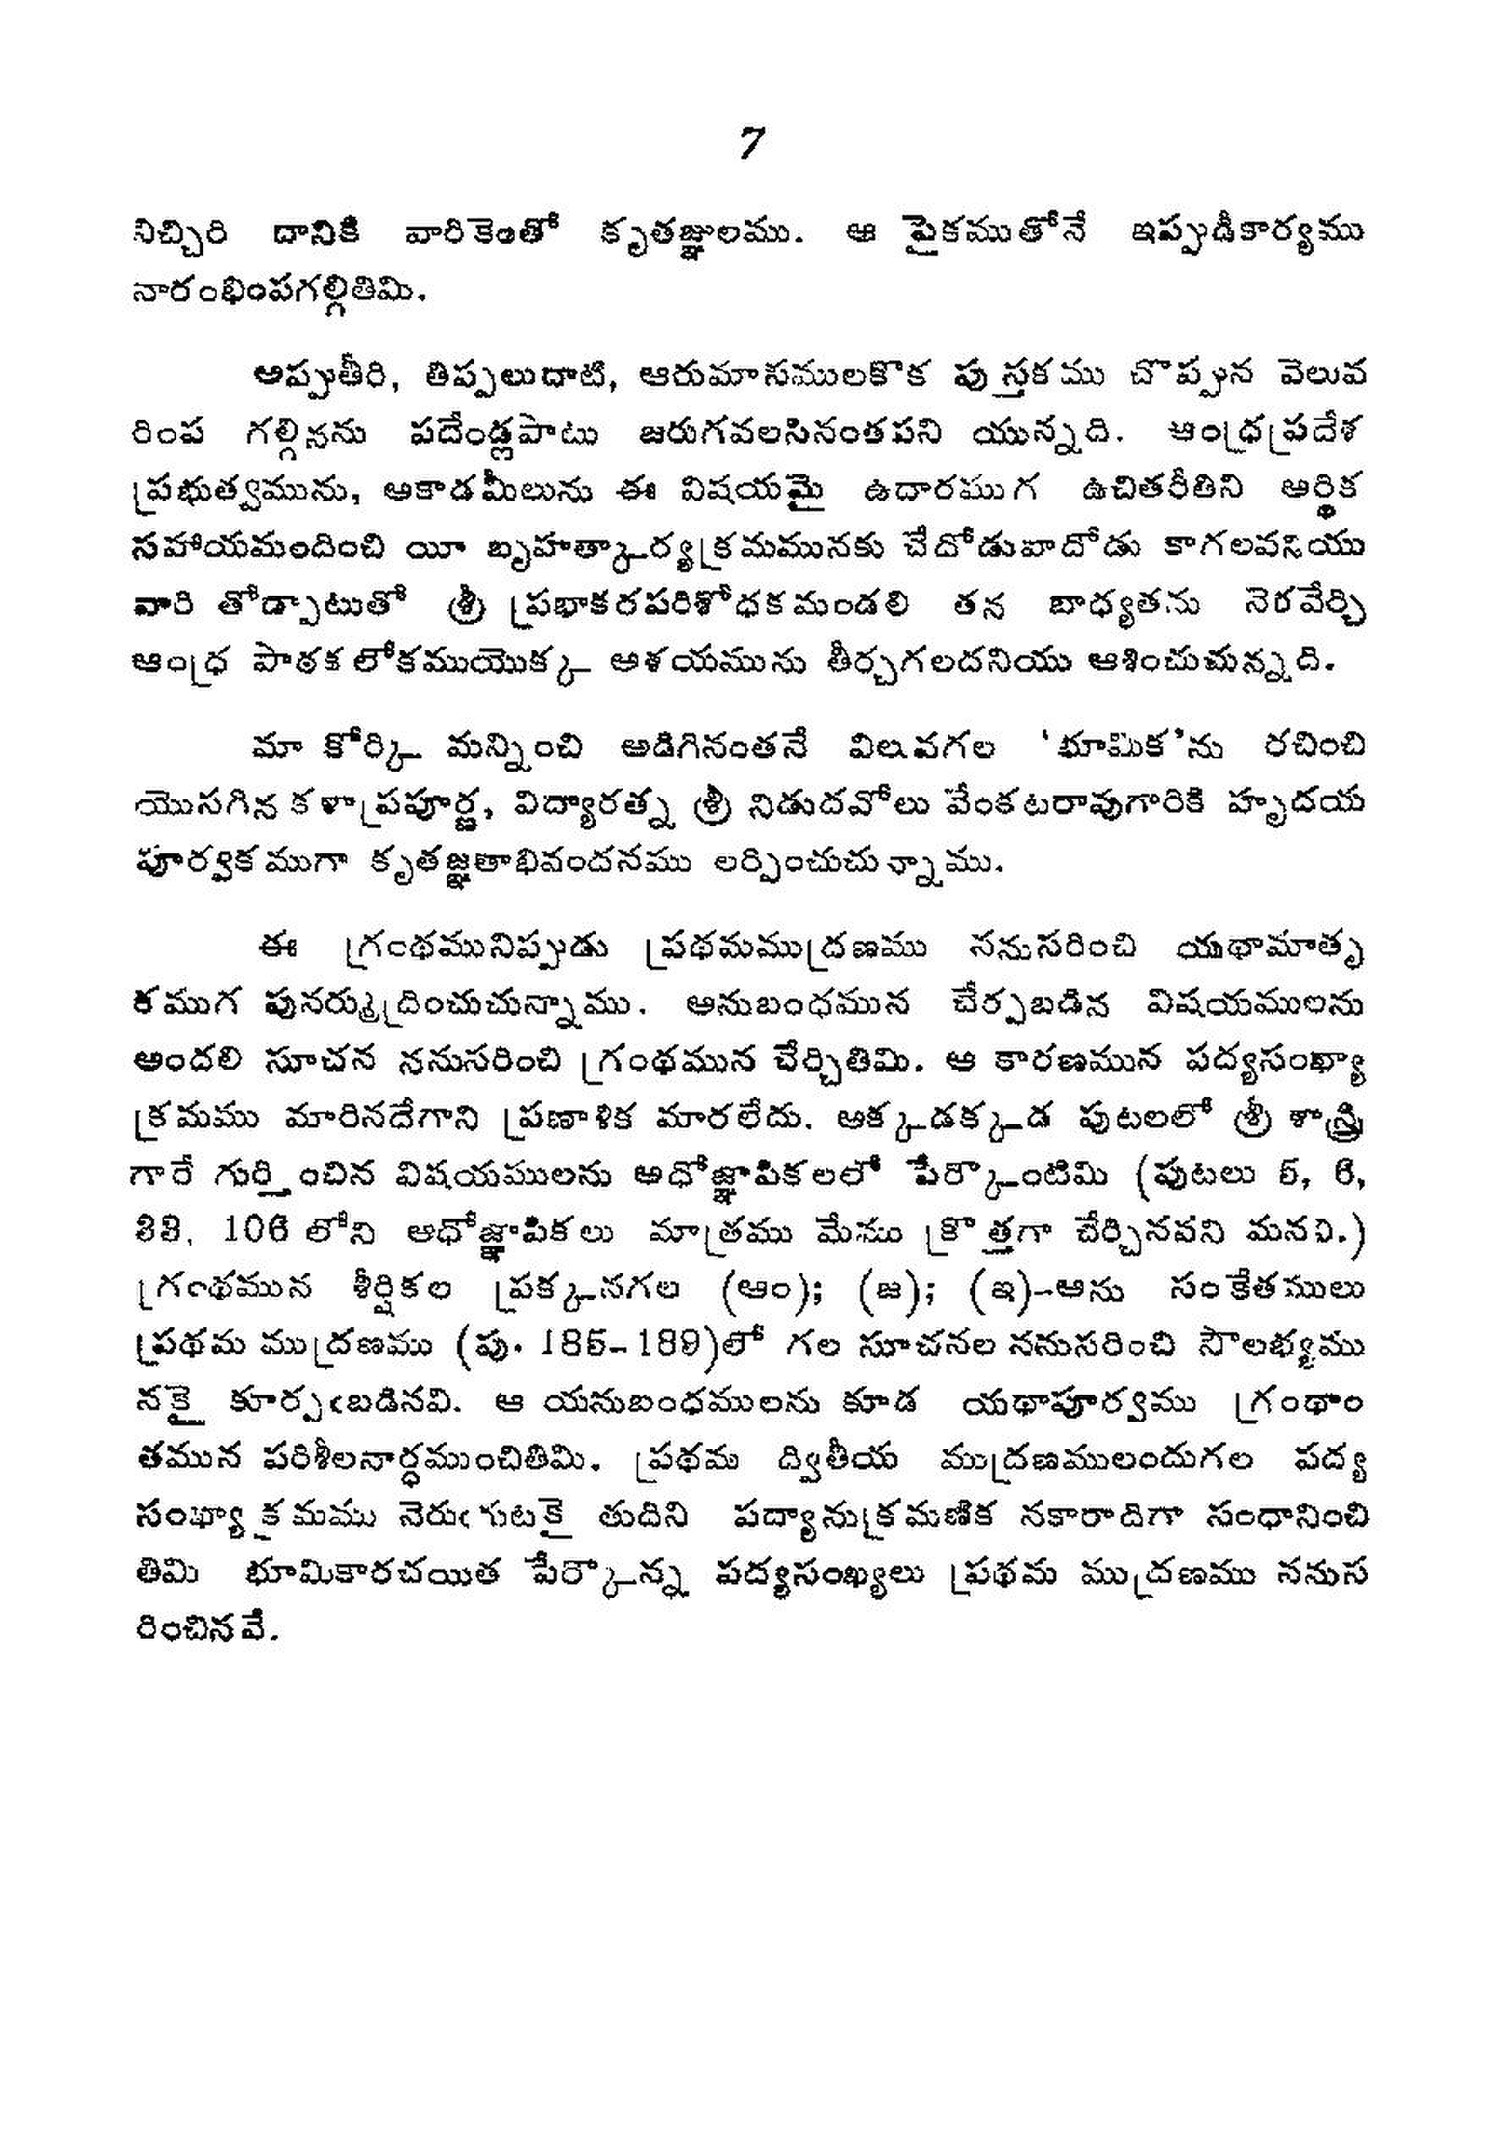నిచ్చిరి దానికి వారికెంతో కృతజ్ఞులము. ఆ పైకముతోనే ఇప్పుడీకార్యము నారంభింపగల్గితిమి.

అప్పుతీరి, తిప్పలు దాటి, ఆరుమాసములకొక పుస్తకము చొప్పున వెలువరింప గల్గినను పదేండ్లపాటు జరుగవలసినంతపని యున్నది. ఆంధ్రప్రదేశ ప్రభుత్వమును, అకాడమీలును ఈ విషయమై ఉదారముగ ఉచితరీతిని అర్థిక సహాయమందించి యీ బృహత్కార్యక్రమమునకు చేదోడువాదోడు కాగలవనియు వారి తోడ్పాటుతో శ్రీ ప్రభాకరపరిశోధకమండలి తన బాధ్యతను నెరవేర్చి ఆంధ్ర పాఠకలోకముయొక్క ఆశయమును తీర్చగలదనియు ఆశించుచున్నది.

మా కోర్కి మన్నించి అడిగినంతనే విలువగల 'భూమిక'ను రచించి యొసగిన కళాప్రపూర్ణ, విద్యారత్న శ్రీ నిడుదవోలు వేంకటరావుగారికి హృదయపూర్వకముగా కృతజ్ఞతాభివందనము లర్పించుచున్నాము.

ఈ గ్రంథమునిప్పుడు ప్రథమముద్రణము ననుసరించి యథామాతృకముగ పునర్ముద్రించుచున్నాము, అనుబంధమున చేర్పబడిన విషయములను అందలి సూచన ననుసరించి గ్రంథమున చేర్చితిమి. ఆ కారణమున పద్యసంఖ్యాక్రమము మారినదేగాని ప్రణాళిక మారలేదు. అక్కడక్కడ పుటలలో శ్రీ శాస్త్రిగారే గుర్తించిన విషయములను అధోజ్ఞాపికలలో పేర్కొంటిమి (పుటలు 5, 6, 33, 106 లోని ఆధోజ్ఞాపికలు మాత్రము మేము క్రొత్తగా చేర్చినవని మనవి.) గ్రంథమున శీర్షికల ప్రక్కనగల (ఆం); (జ); (ఇ)—అను సంకేతములు ప్రథమ ముద్రణము (పు. 185–189)లో గల సూచనల ననుసరించి సౌలభ్యమునకై కూర్పఁబడినవి. ఆ యనుబంధములను కూడ యథాపూర్వము గ్రంథాంతమున పరిశీలనార్ధముంచితిమి. ప్రథమ ద్వితీయ ముద్రణములందుగల పద్య సంఖ్యాక్రమము నెరుంగుటకై తుదిని పద్యానుక్రమణిక నకారాదిగా సంధానించితిమి భూమికారచయిత పేర్కొన్న పద్యసంఖ్యలు ప్రథమ ముద్రణము ననుసరించినవే.